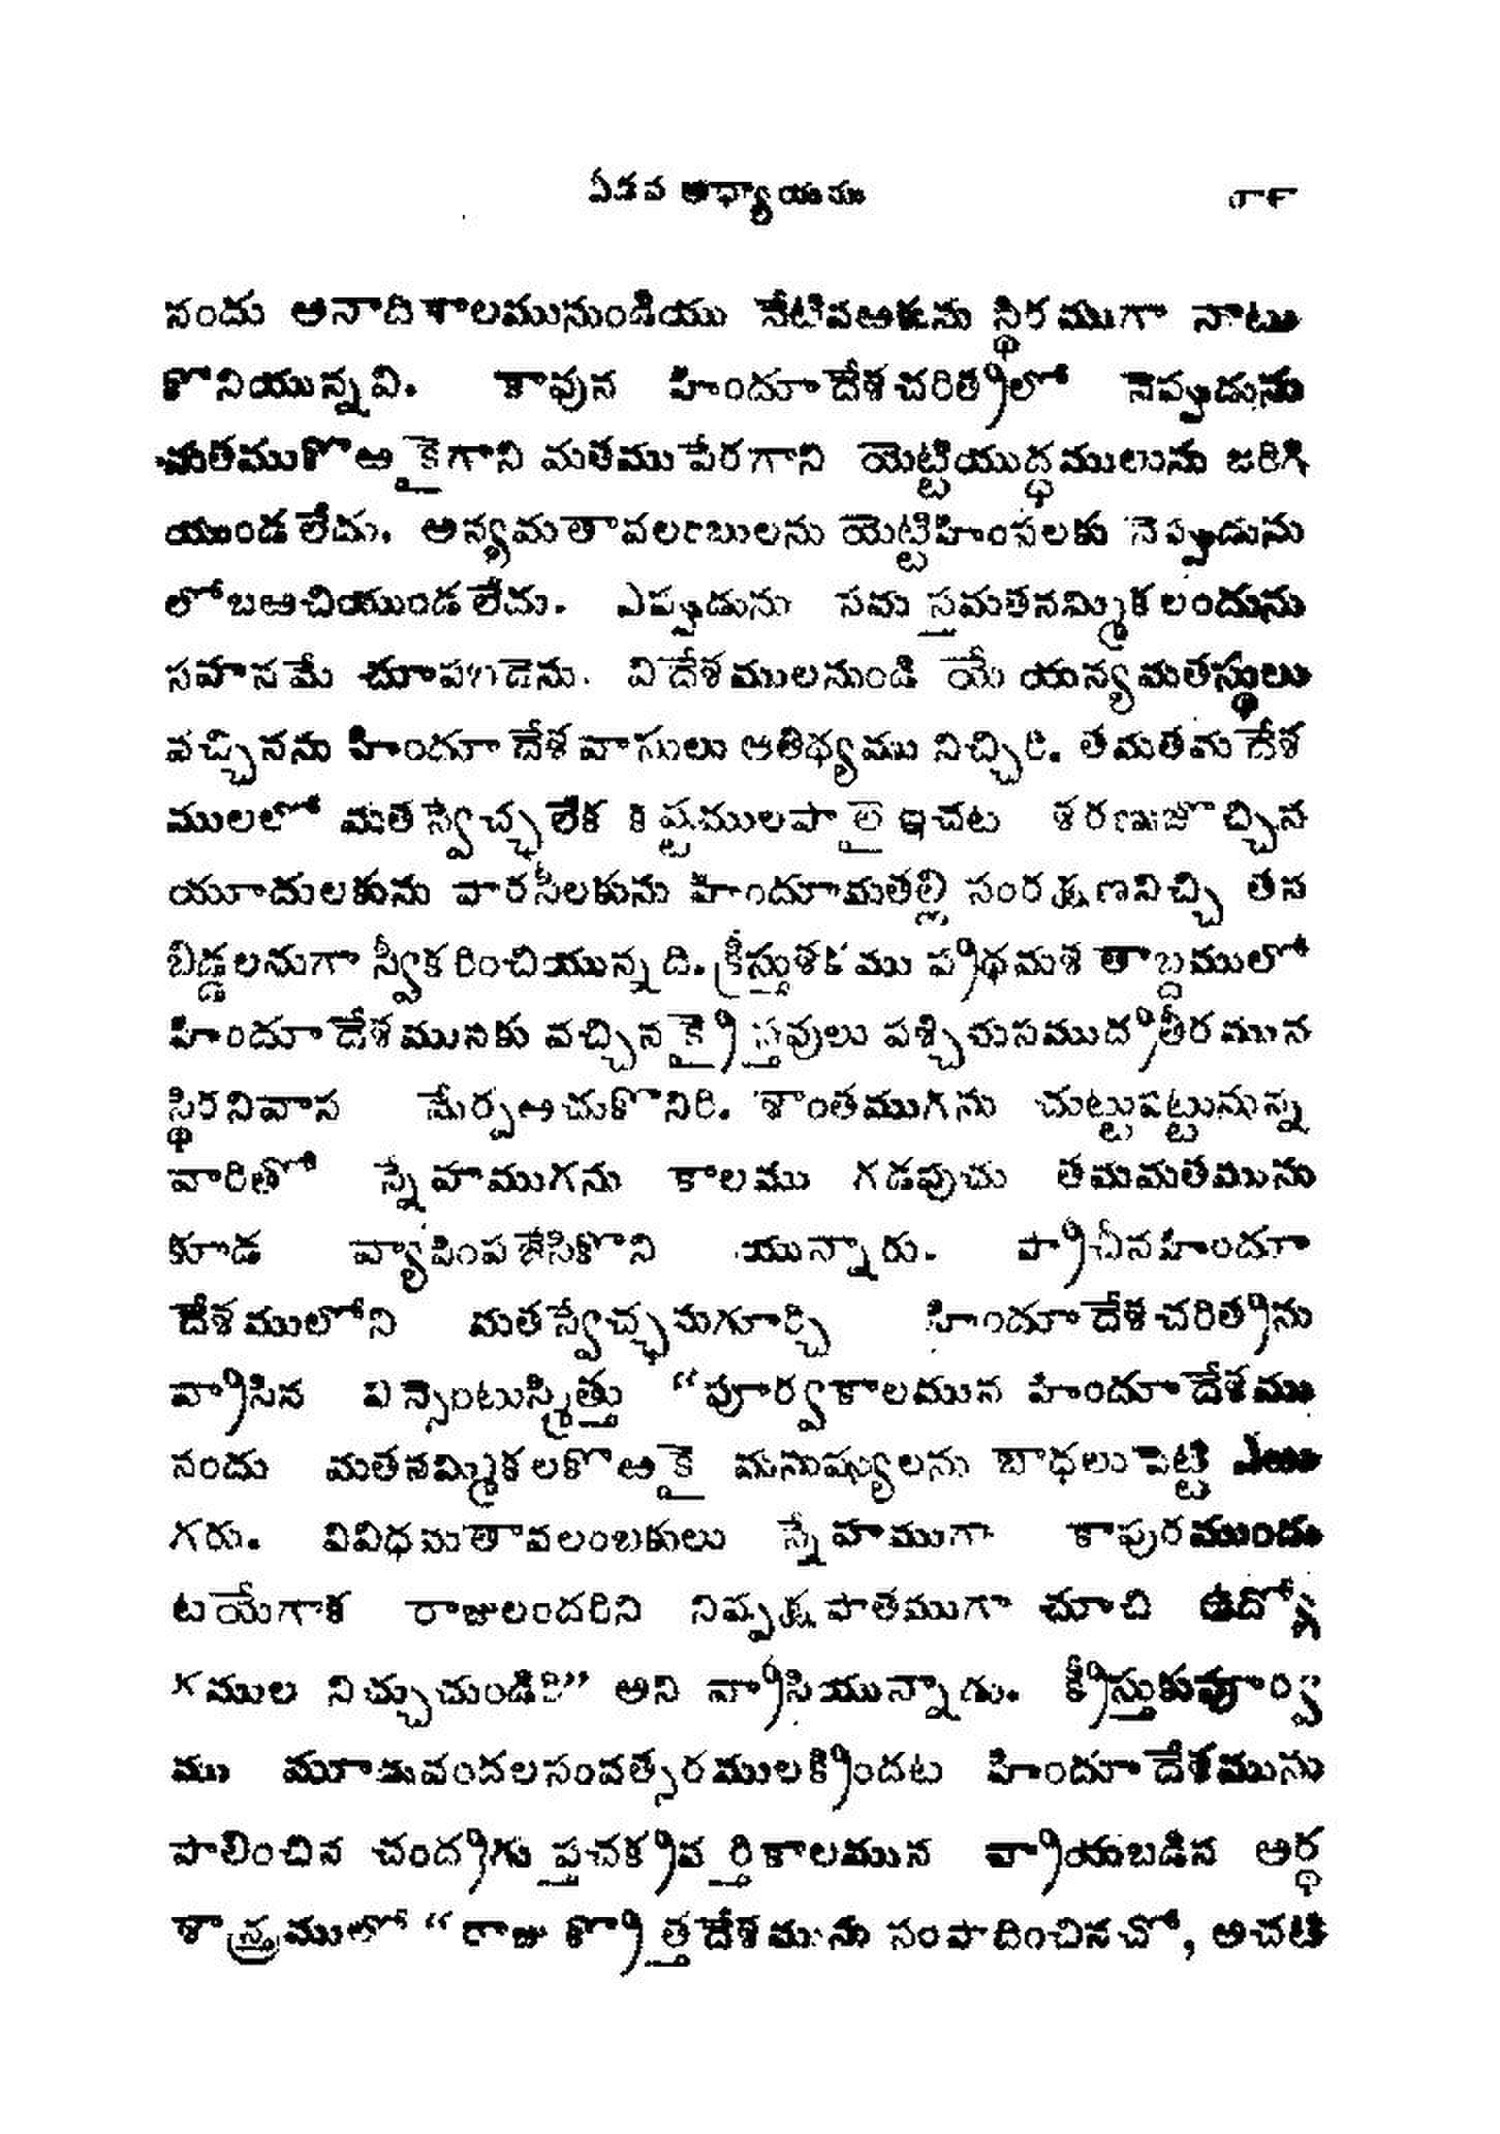సందు అనాది కాలమునుండియు నేటివఱకును స్థిరముగా నాటు
కొనియున్నవి. కావున హిందూ దేశ చరిత్రలో నెప్పుడును
మతము కొఱ కై గాని మతము పేరగాని యెట్టి యుద్ధములుసు జరిగి
యుండ లేదు. అన్యమతావలంబులను యెట్టిహింసలకు 'నెప్పుడును
లోబఱచి యుండ లేదు. ఎప్పుడును సమస్తమత నమ్మిక లందును
సహనమే చూపబడెను. విదేశములనుండి యే యన్య మతస్థులు
వచ్చినను హిందూ దేశ వాసులు ఆతిథ్యము నిచ్చిరి. తమతమ దేశ
ములలో మత స్వేచ్ఛ లేక కష్టములపాలై ఇచట శరణుజొచ్చిన
యూదులకును పౌరసీలకును హిందూమతల్లి సంరక్షణనిచ్చి తన
బిడ్డలనుగా స్వీకరించి యున్నది. క్రీస్తుశకము ప్రధమ శతాబ్దములో
హిందూదేశమునకు వచ్చిన క్రైస్తవులు పశ్చిచుసముద్రతీరమున
స్తిర నివాసమేర్పంచుకొనిరి. "శాంతముగను చుట్టుపట్టునున్న
వారితో స్నేహముగను కాలము గడపుచు. తమమతమును
కూడ వ్యాపింప జేసికొని యున్నారు. ప్రాచీన హిందూ
దేశములోని మత స్వేచ్ఛనుగూర్చిహిందూ దేశ చరిత్రను 
వ్రాసిన విన్సెంటుస్మిత్తు " పూర్వకాలమున హిందూ దేశము
నందు మత నమ్మికలకొఱకై మనుష్యులను బాధలు పెట్టి
ఎరుగరు. వివిధ మతావలంబకులు స్నేహముగా కాపురముండు
టయేగాక రాజులందరిని నిష్పక్ష పాతముగా చూచి ఉద్యో
గముల నిచ్చుచుండిరి. అని వ్రాసియున్నాడు. క్రీస్తుకుపూర్వ
ము మూడు వందల సంవత్సరముల క్రిందట హిందూదేశమును
పాలించిన చందగుప్త చక్రవర్తి కాలమున వ్రాయబడిన అర్థ
శాస్త్రములో " రాజు కొత్త దేశమును సంపాదించినచో, అచటి